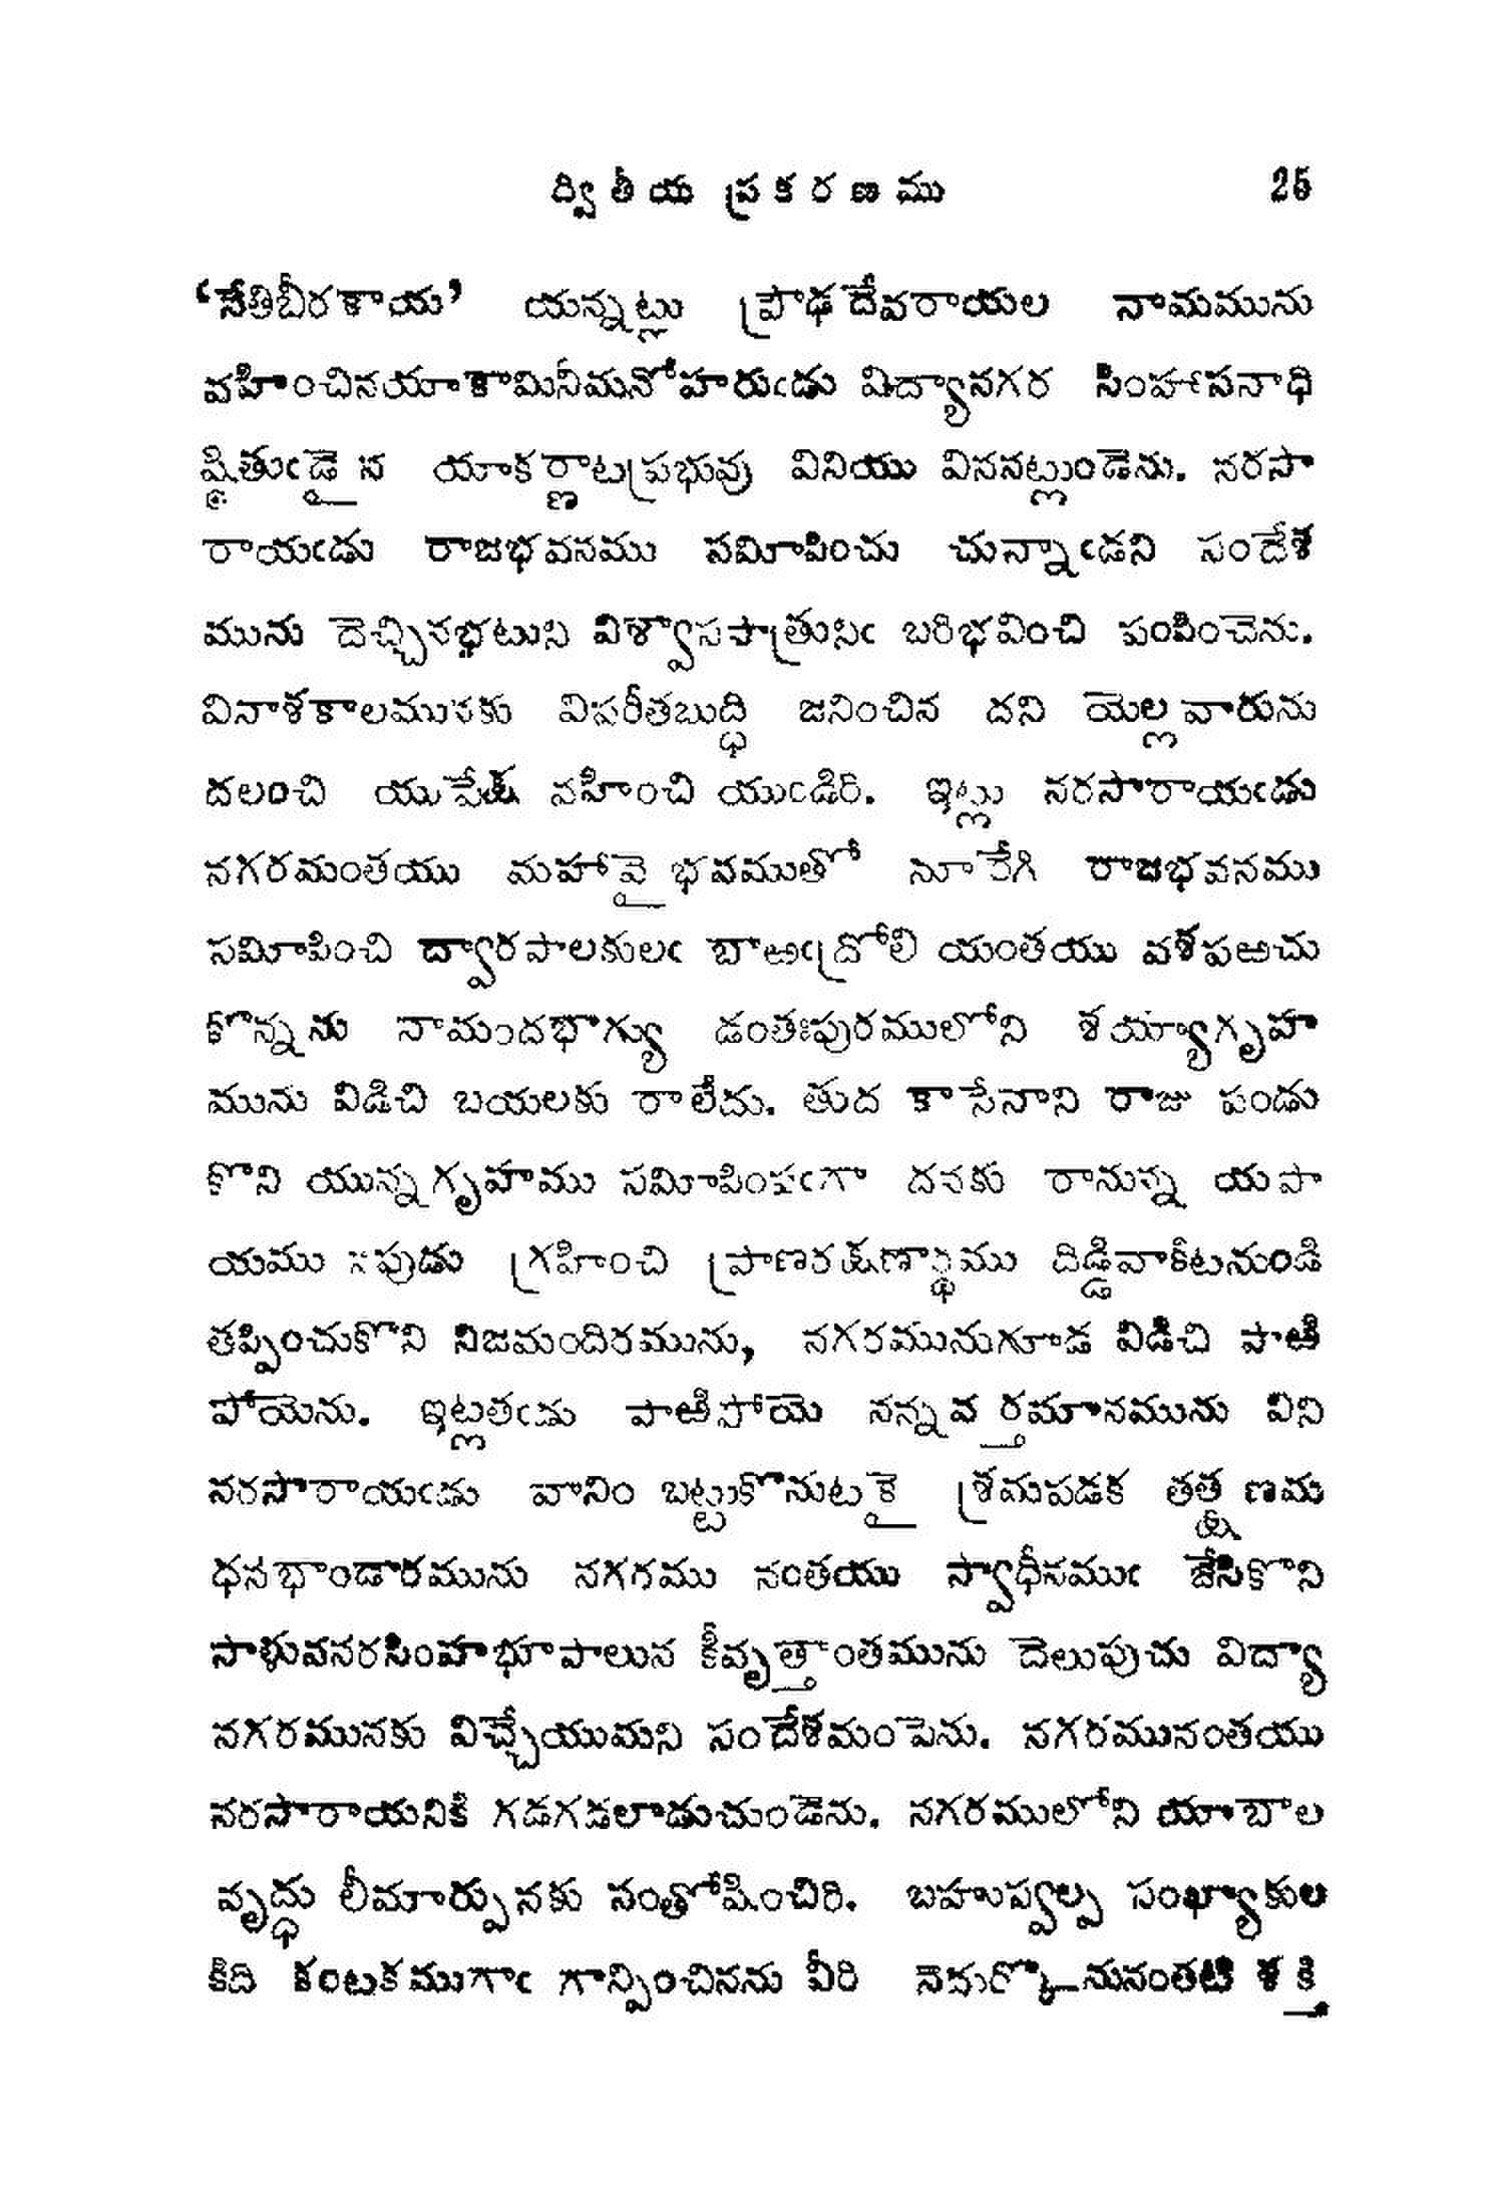'నేతిబీరకాయ' యన్నట్లు ప్రౌఢదేవరాయల నామమును వహించిన యాకామినీమనోహరుఁడు విద్యానగర సింహాసనాధిష్ఠితుఁడైన యాకర్ణాటప్రభువు వినియు విననట్లుండెను. నరసారాయఁడు రాజభవనము సమీపించు చున్నాఁడని సందేశమును దెచ్చినభటుని విశ్వాసపాత్రునిఁ బరిభవించి పంపించెను. వినాశకాలమునకు విపరీతబుద్ధి జనించిన దని యెల్లవారును దలంచి యుపేక్ష వహించి యుండిరి. ఇట్లు నరసారాయఁడు నగరమంతయు మహావైభవముతో నూరేగి రాజభవనము సమీపించి ద్వారపాలకులఁ బాఱఁద్రోలి యంతయు వశపఱచుకొన్నను నామందభాగ్యు డంతఃపురములోని శయ్యాగృహమును విడిచి బయలకు రాలేదు. తుద కాసేనాని రాజు పండుకొని యున్నగృహము సమీపింపఁగా దనకు రానున్న యపాయము నపుడు గ్రహించి ప్రాణరక్షణార్థము దిడ్డివాకిటనుండి తప్పించుకొని నిజమందిరమును, నగరమునుగూడ విడిచి పాఱిపోయెను. ఇట్లతఁడు పాఱిపోయె నన్నవర్తమానమును విని నరసారాయఁడు వానిం బట్టుకొనుటకై శ్రమపడక తత్క్షణమ ధనభాండారమును నగరము నంతయు స్వాధీనముఁ జేసికొని సాళువనరసింహభూపాలున కీవృత్తాంతమును దెలుపుచు విద్యానగరమునకు విచ్చేయుమని సందేశమంపెను. నగరమునంతయు నరసారాయనికి గడగడలాడుచుండెను. నగరములోని యాబాల వృద్దు లీమార్పునకు సంతోషించిరి. బహుస్వల్ప సంఖ్యాకుల కిది కంటకముగాఁ గాన్పించినను వీరి నెదుర్కొనునంతటి శక్తి